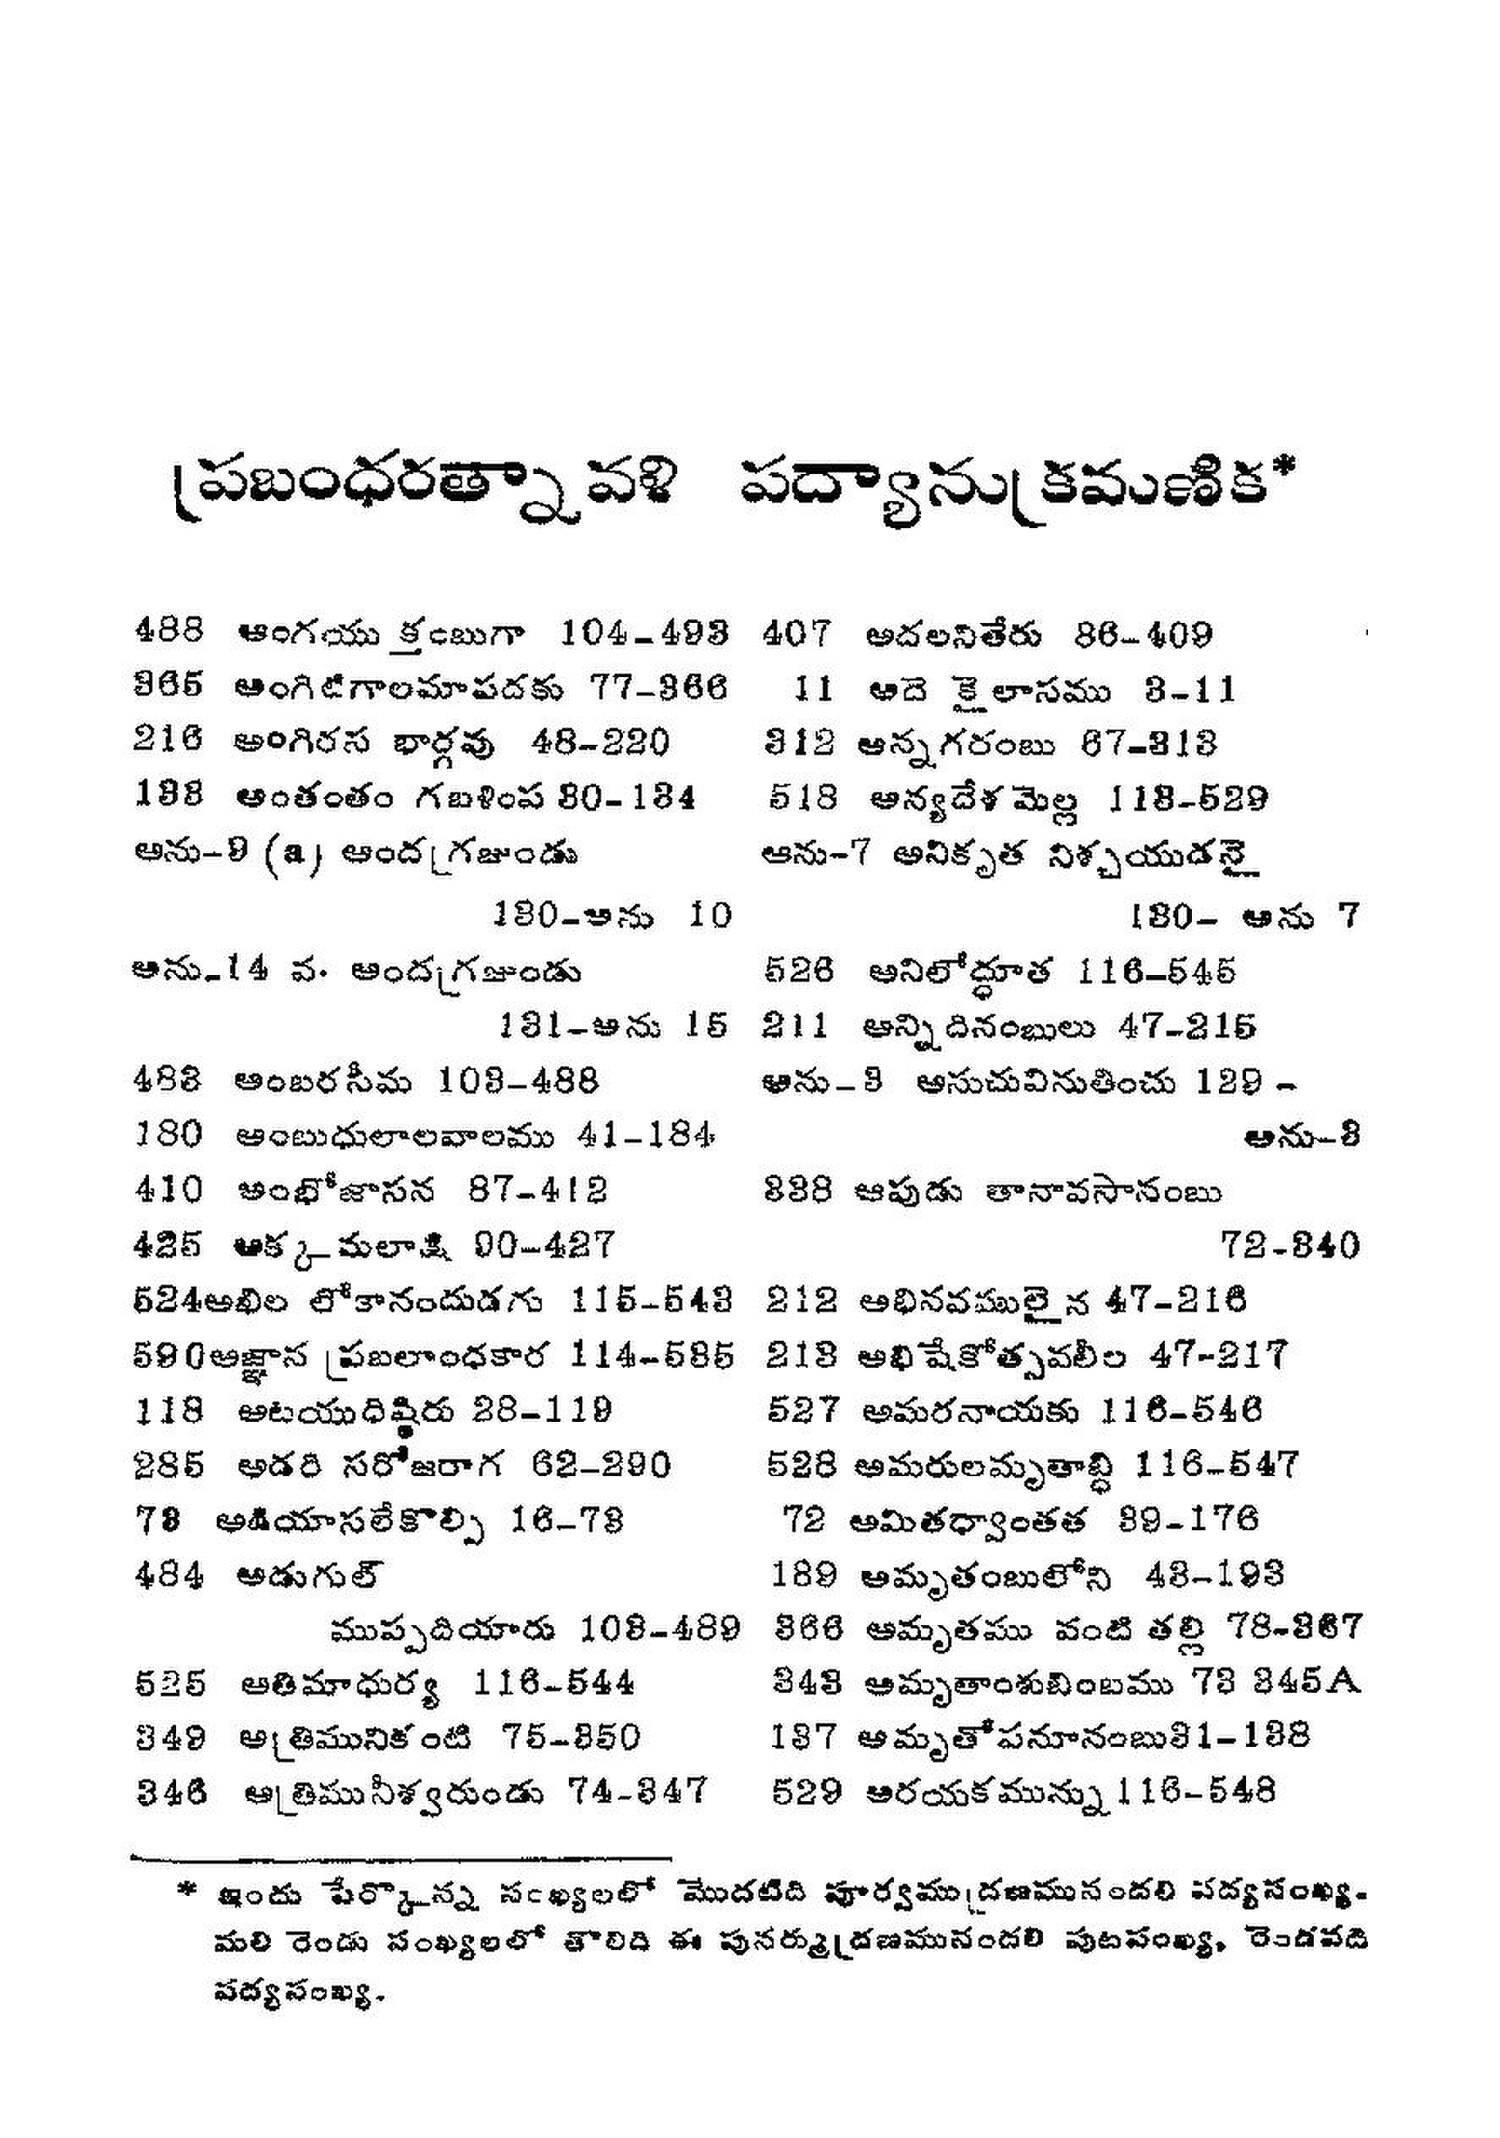ప్రబంధరత్నావళి పద్యానుక్రమణిక*

488 ఆంగయు కంబుగా 104 - 483 407 అదలనితేరు 88 409 
365 అంగిటి గాలమాపదకు 77–888 / 11 అదే కైలాసము 8-11 
216 అంగిరస భార్గవు 48-220 / 312 అన్నగరంబు 87–318 
198 అంతంతం గబళింప 80-184 / 518 అన్యదేశ మెల్ల 118-628 
అను-9 (a) ఆందగ్రజుండు / ఆను-7 అనికృత నిశ్చయుడనై
1300-అను 10 / 180- ఆను 7 అను.
14 వ. అందగ్రజుండు / 526 అనిలోదూత 116–545
181.అను 15 / 211 అన్ని దినంబులు 47–215 
488 అంబర సీమ 108_488 / అను-3 అసుచువినుతించు 128
180 అంబుధులాలవాలము 41-184. / అను-3 .'
410 అంభోజోసన 87-412 / 338 ఆపుడు తానావసానంబు 
425 అక్కమలాక్షి 00-427 / 72.340 
524అఖిల లోకానందుడగు 115--543 / 212 అభినవములైన 47-218 
590 అజ్ఞాన ప్రబలాంధకార 114-585 / 213 అభిషేకోత్సవలీల 47-217 
118 అటయుధిష్ఠిరు 28-119 / 527 అమరనాయకు 116-546
285 అడరి సరోజరాగ 62_290 / 528 అమరులమృతాబ్ది 116,547 
78 అడియాసలేకొల్పి 16-73 / 72 అమితధ్వాంతత 39-176 
484 అడుగుల్ 
 ముప్పఫిదియారు 103-489 / 366 అమృతము వంటి తల్లి 78-367 
 525 అతిమాధుర్య 116-544 / 343 అమృతాంశుబింబము 78 245 A
189 అమృతంబులోని 48-193 
349 అత్రిమునికంటి 75-350 / 137 అమృతోపనూనంబు 31-138 
348 ఆత్రిమునీశ్వరుండు 74-347 / 529 అరయకమున్ను 116–548

 ఇందు పేర్కొన్న సంఖ్యలలో మొదటిది పూర్వముద్రణమునందలి పద్యసంఖ్య - మలి రెండు సంఖ్యలలో తొలిది ఈ పునర్ముద్రణమునందలి పుట సంఖ్య, రెండవది పద్యసంఖ్య,